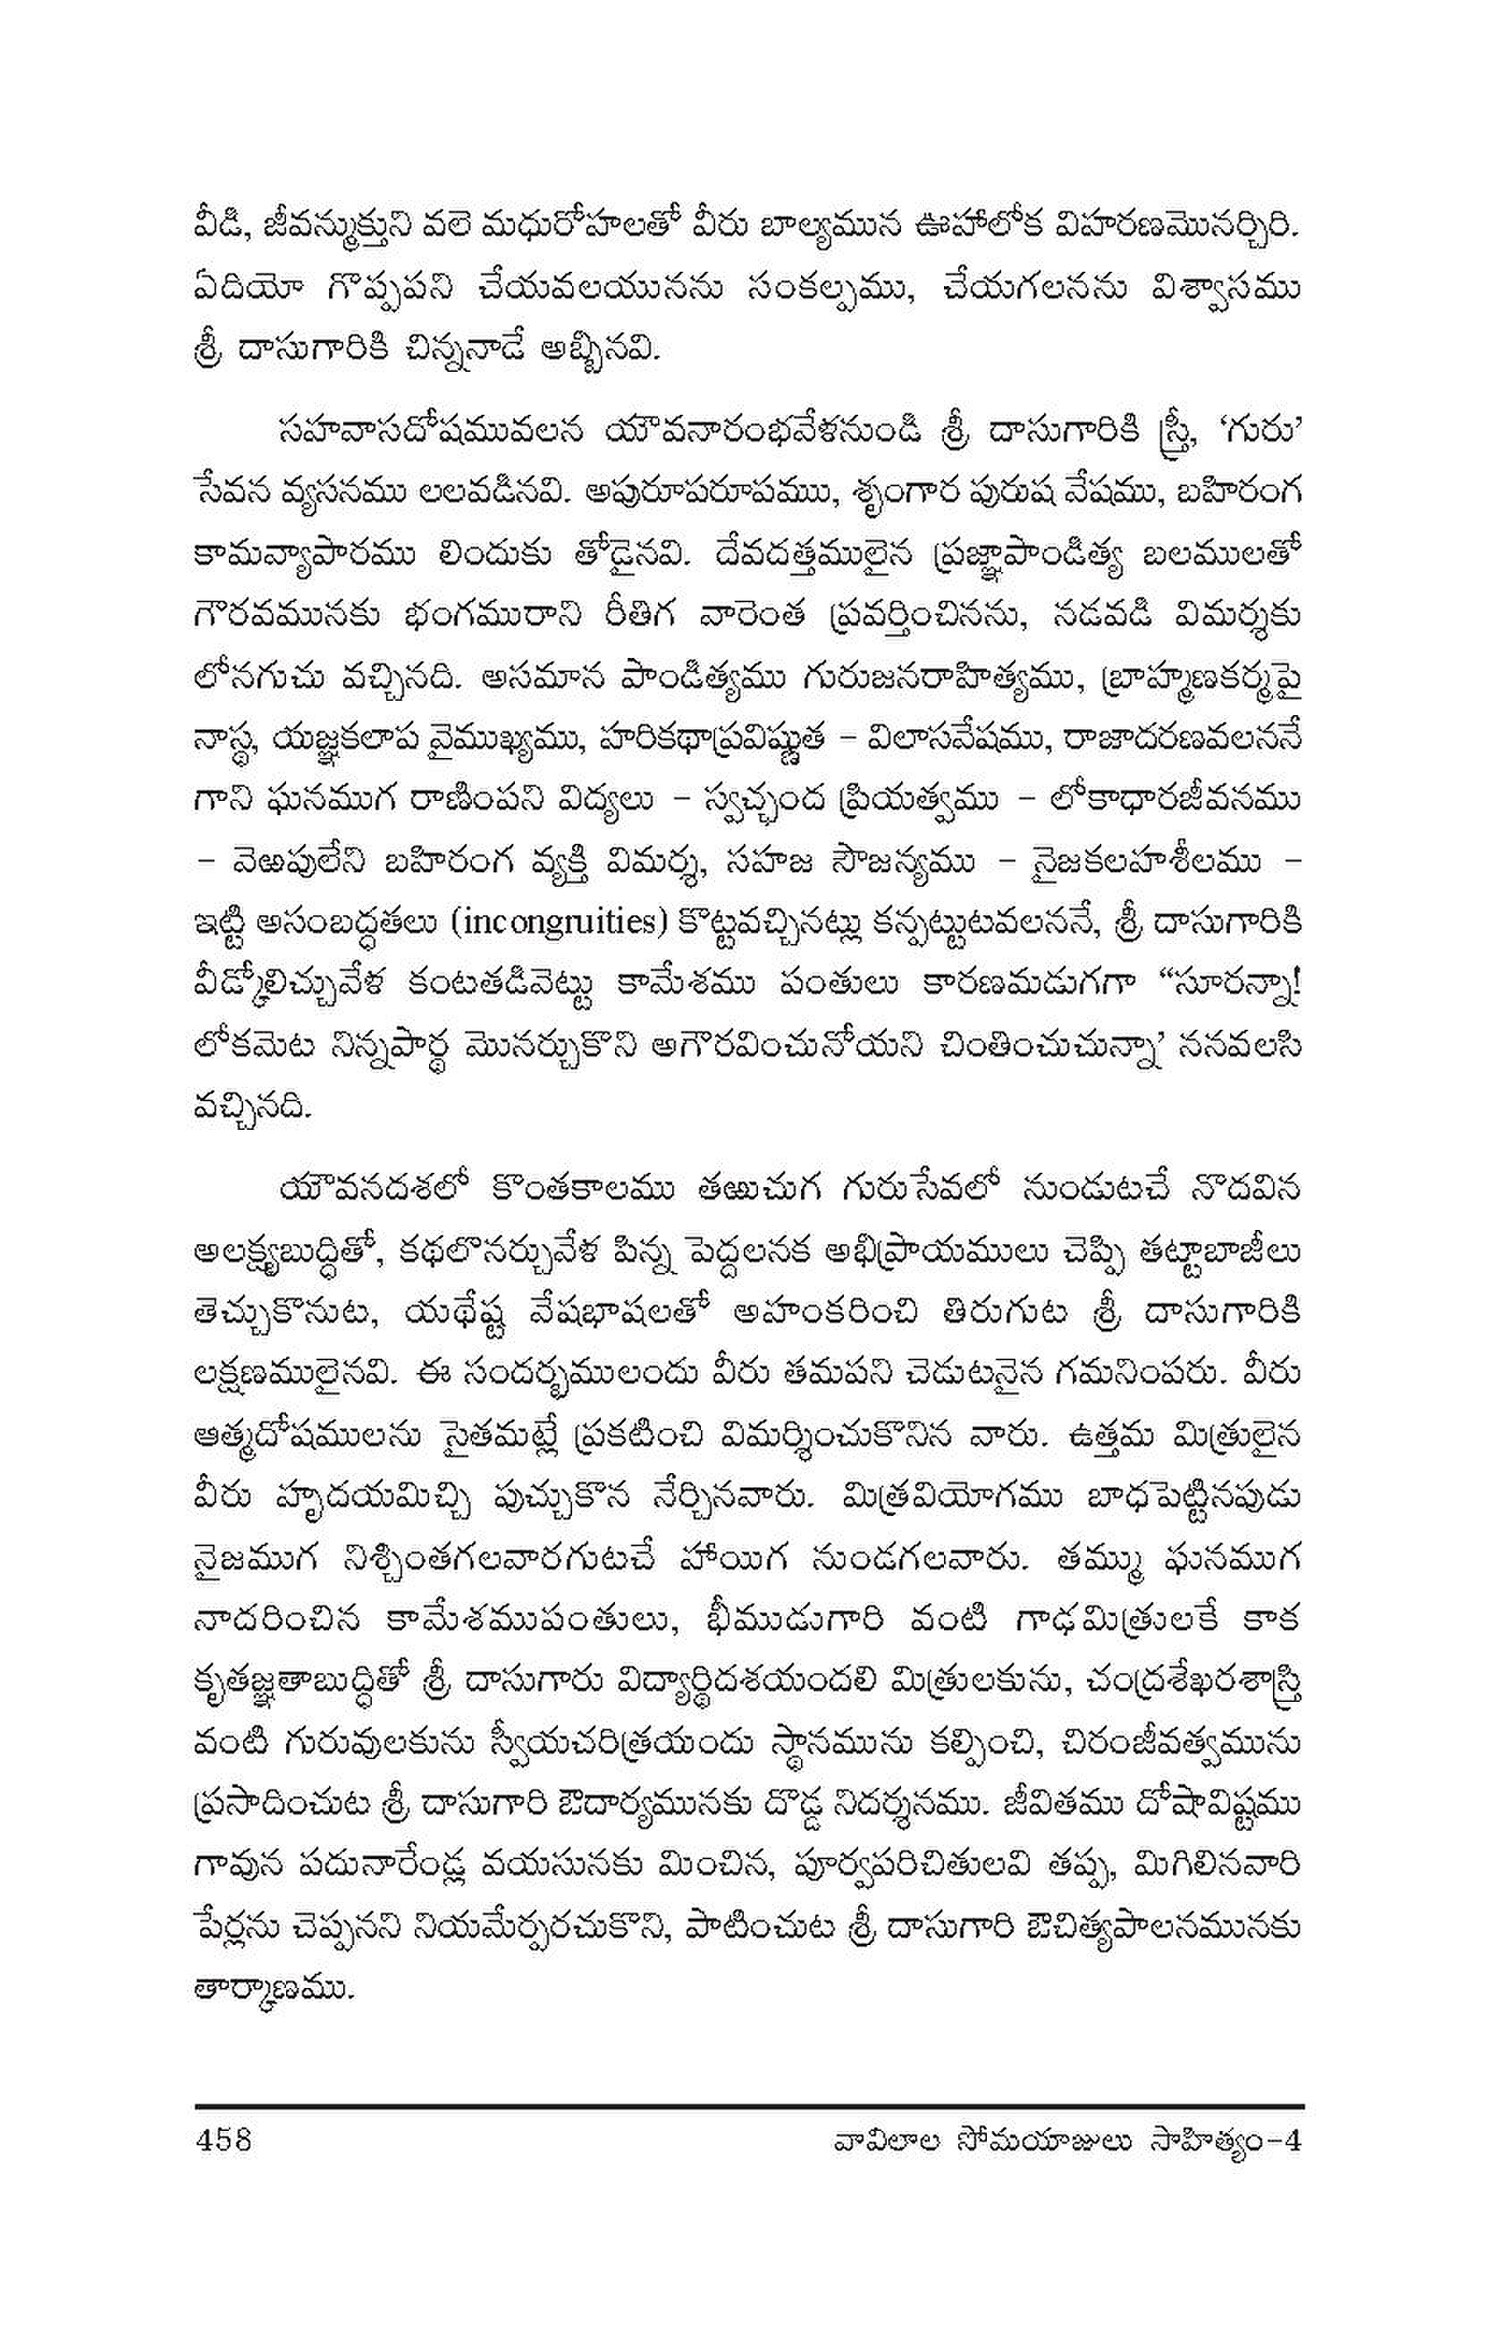వీడి, జీవన్ముక్తుని వలె మధురోహలతో వీరు బాల్యమున ఊహాలోక విహరణమొనర్చిరి.
ఏదియో గొప్పపని చేయవలయునను సంకల్పము, చేయగలనను విశ్వాసము
శ్రీ దాసుగారికి చిన్ననాడే అబ్బినవి.

సహవాసదోషమువలన యౌవనారంభవేళనుండి శ్రీ దాసుగారికి స్త్రీ, 'గురు'
సేవన వ్యసనము లలవడినవి. అపురూపరూపము, శృంగార పురుష వేషము, బహిరంగ
కామవ్యాపారము లిందుకు తోడైనవి. దేవదత్తములైన ప్రజ్ఞాపాండిత్య బలములతో
గౌరవమునకు భంగమురాని రీతిగ వారెంత ప్రవర్తించినను, నడవడి విమర్శకు
లోనగుచు వచ్చినది. అసమాన పాండిత్యము గురుజనరాహిత్యము, బ్రాహ్మణకర్మపై
నాస్థ, యజ్ఞకలాప వైముఖ్యము, హరికథాప్రవిష్ణుత - విలాసవేషము, రాజాదరణవలననే
గాని ఘనముగ రాణింపని విద్యలు - స్వచ్ఛంద ప్రియత్వము - లోకాధారజీవనము
వెఱపులేని బహిరంగ వ్యక్తి విమర్శ, సహజ సౌజన్యము - నైజకలహశీలము
ఇట్టి అసంబద్ధతలు (incongruities) కొట్టవచ్చినట్లు కన్నట్టుటవలననే, శ్రీ దాసుగారికి
వీడ్కోలిచ్చువేళ కంటతడివెట్టు కామేశము పంతులు కారణమడుగగా “సూరన్నా!
లోకమెట నిన్నపార్ధ మొనర్చుకొని అగౌరవించునోయని చింతించుచున్నా' ననవలసి
వచ్చినది.

యౌవనదశలో కొంతకాలము తఱుచుగ గురుసేవలో నుండుటచే నొదవిన
అలక్ష్యబుద్ధితో, కథలొనర్చువేళ పిన్న పెద్దలనక అభిప్రాయములు చెప్పి తట్టాబాజీలు
తెచ్చుకొనుట, యథేష్ట వేషభాషలతో అహంకరించి తిరుగుట శ్రీ దాసుగారికి
లక్షణములైనవి. ఈ సందర్భములందు వీరు తమపని చెడుటనైన గమనింపరు. వీరు
ఆత్మదోషములను సైతమల్లే ప్రకటించి విమర్శించుకొనిన వారు. ఉత్తమ మిత్రులైన
వీరు హృదయమిచ్చి పుచ్చుకొన నేర్చినవారు. మిత్రవియోగము బాధ పెట్టినపుడు
నైజముగ నిశ్చింతగలవారగుటచే హాయిగ నుండగలవారు. తమ్ము ఘనముగ
నాదరించిన కామేశముపంతులు, భీముడుగారి వంటి గాఢమిత్రులకే కాక
కృతజ్ఞతాబుద్ధితో శ్రీ దాసుగారు విద్యార్థిదశయందలి మిత్రులకును, చంద్రశేఖరశాస్త్రి
వంటి గురువులకును స్వీయచరిత్రయందు స్థానమును కల్పించి, చిరంజీవత్వమును
ప్రసాదించుట శ్రీ దాసుగారి ఔదార్యమునకు దొడ్డ నిదర్శనము. జీవితము దోషావిష్టము
గావున పదునారేండ్ల వయసునకు మించిన, పూర్వపరిచితులవి తప్ప, మిగిలినవారి
పేర్లను చెప్పనని నియమేర్పరచుకొని, పాటించుట శ్రీ దాసుగారి ఔచిత్యపాలనమునకు
తార్కాణము.